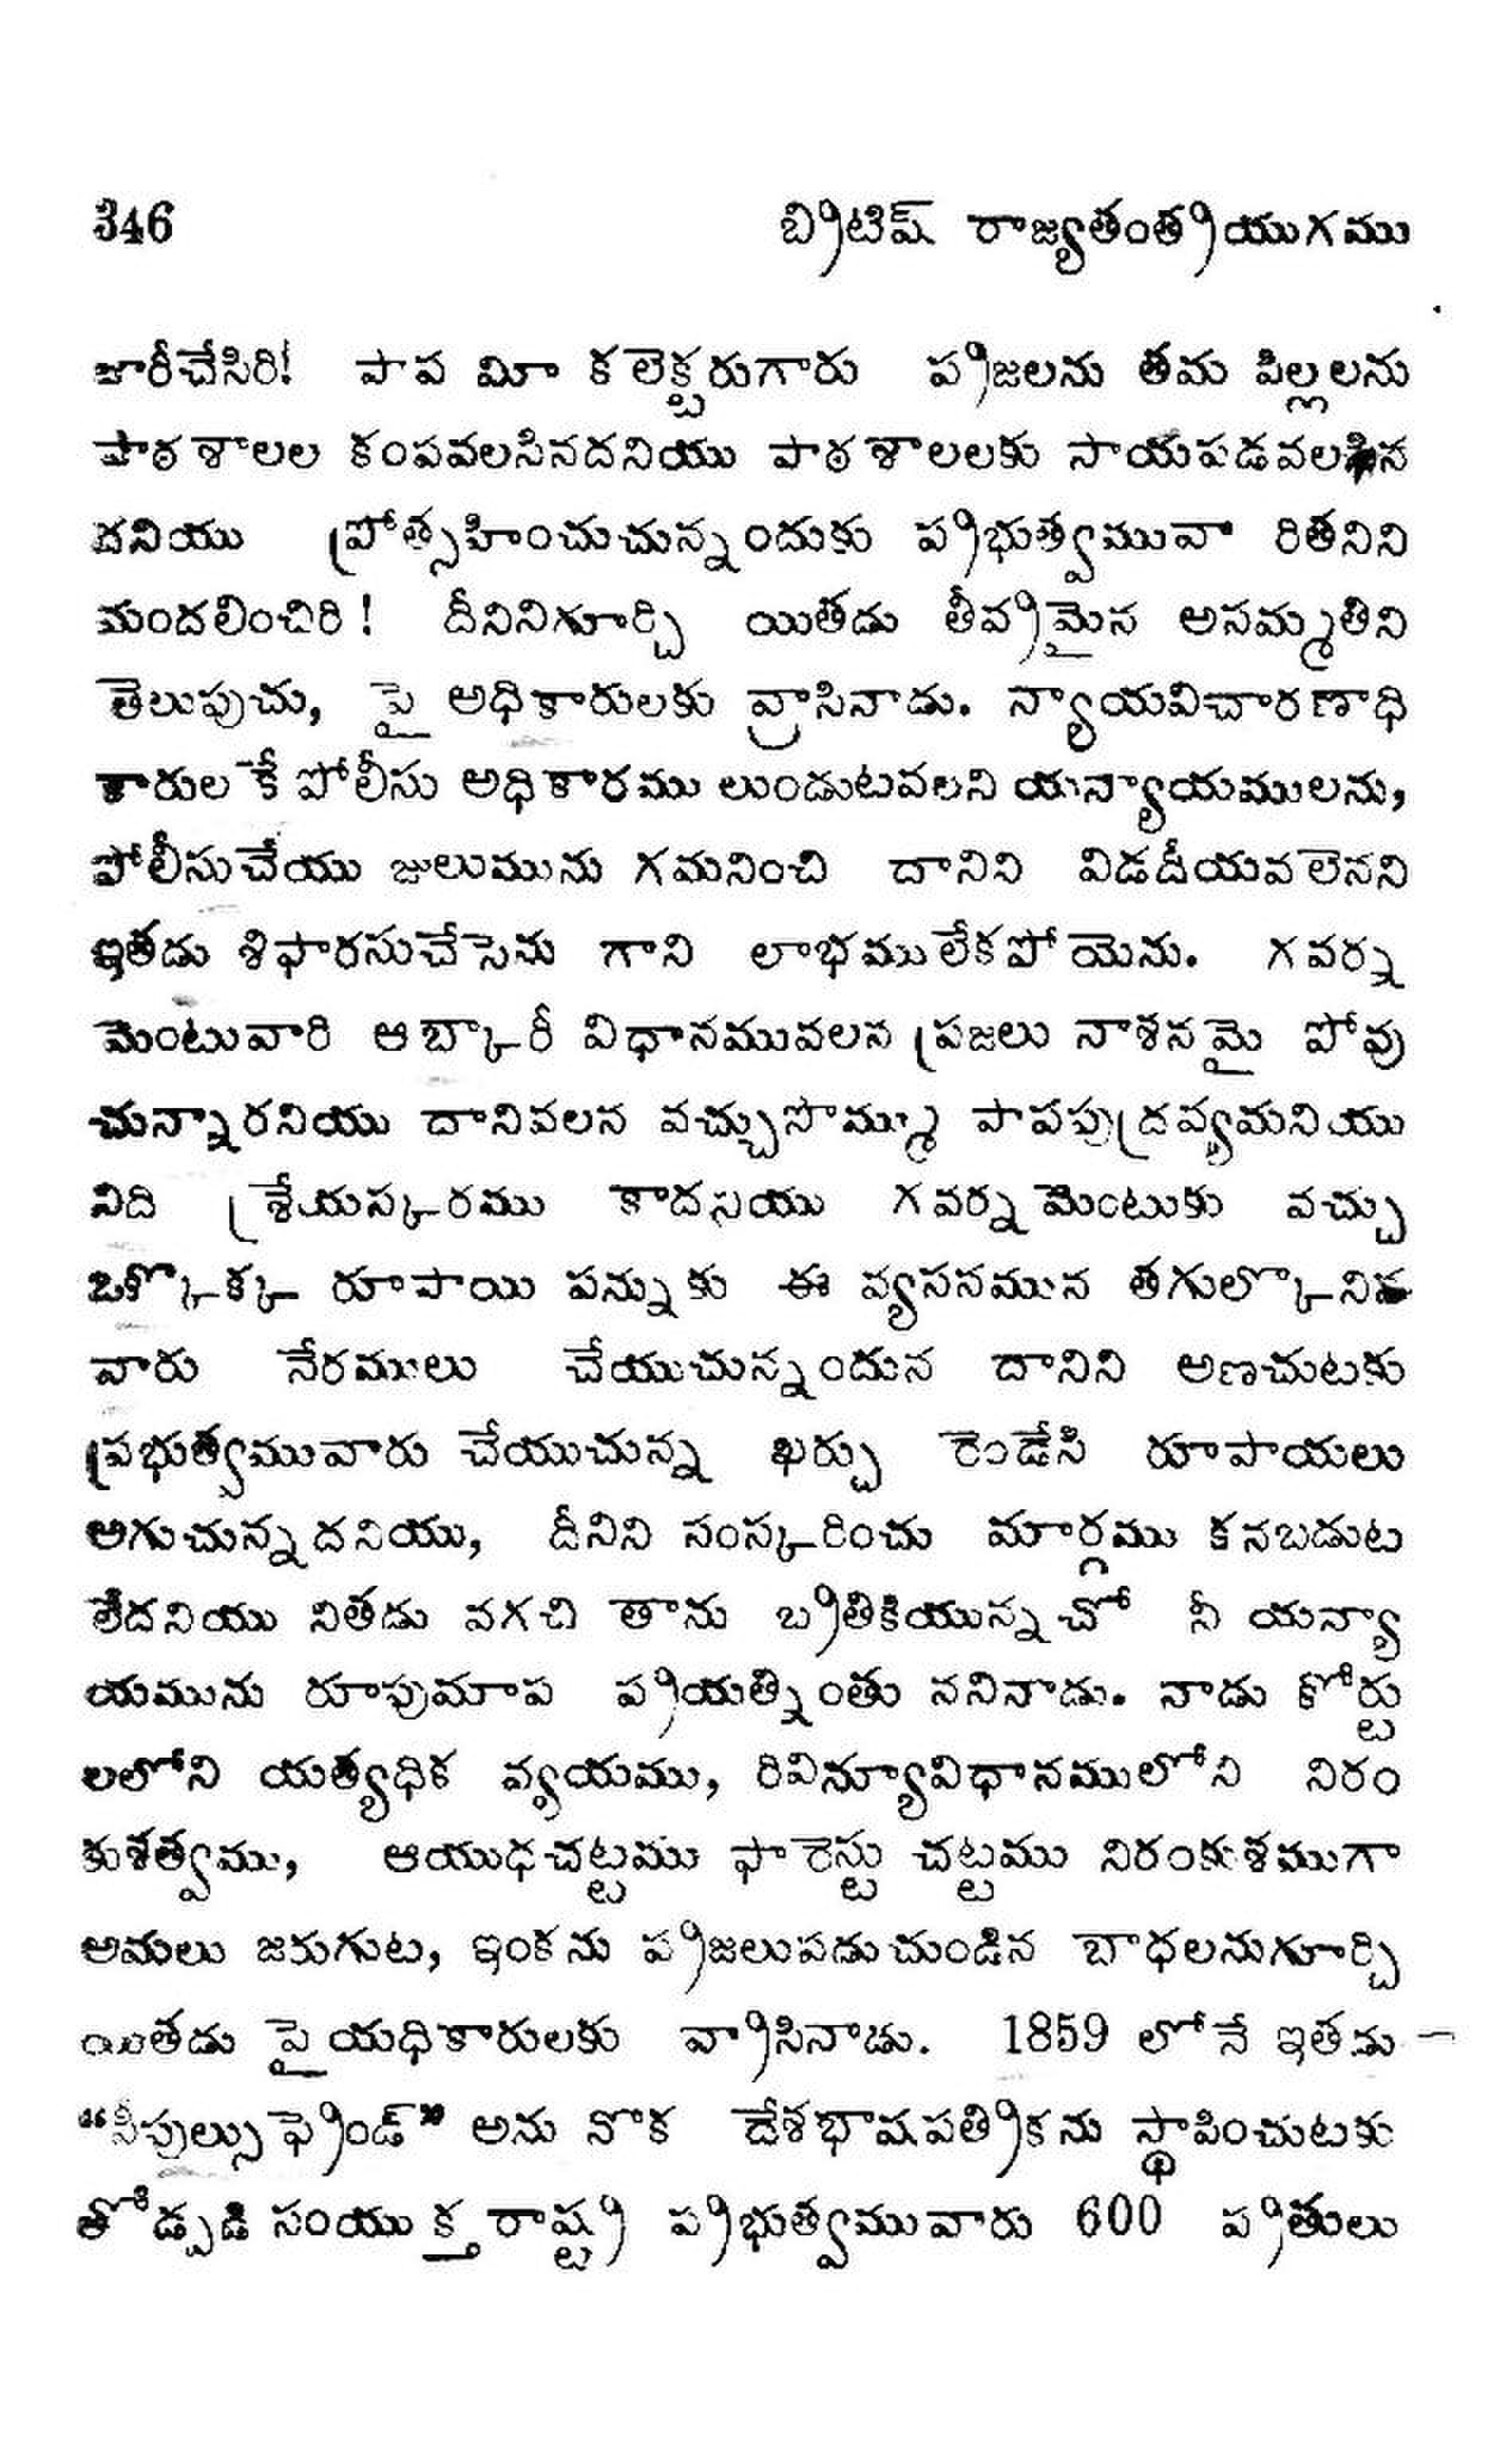జారీచేసిరి! పాప మీ కలెక్టరుగారు ప్రజలను తమ పిల్లలను పాఠశాలల కంపవలసినదనియు పాఠశాలలకు సాయపడవలసిన దనియు ప్రోత్సహించుచున్నందుకు ప్రభుత్వమువా రితనిని మందలించిరి ! దీనినిగూర్చి యితడు తీవ్రమైన అసమ్మతిని తెలుపుచు, పై అధికారులకు వ్రాసినాడు. న్యాయవిచారణాధికారులకే పోలీసు అధికారము లుండుటవలని యన్యాయములను, పోలీసుచేయు జులుమును గమనించి దానిని విడదీయవలెనని ఇతడు శిఫారసుచేసెను గాని లాభము లేకపోయెను. గవర్నమెంటువారి ఆబ్కారీ విధానమువలన ప్రజలు నాశనమై పోవుచున్నారనియు దానివలన వచ్చుసొమ్ము పాపఫుద్రవ్యమనియు నిది శ్రేయస్కరము కాదనియు గవర్నమెంటుకు వచ్చు ఒక్కొక్క రూపాయి పన్నుకు ఈ వ్యసనమున తగుల్కొనినవారు నేరములు చేయుచున్నందున దానిని అణచుటకు ప్రభుత్వమువారు చేయుచున్న ఖర్చు రెండేసి రూపాయలు అగుచున్నదనియు, దీనిని సంస్కరించు మార్గము కనబడుట లేదనియు నితడు వగచి తాను బ్రతికియున్నచో నీ యన్యాయమును రూపుమాప ప్రయత్నింతు ననినాడు. నాడు కోర్టులలోని యత్యధిక వ్యయము, రివిన్యూవిధానములోని నిరంకుశత్వము, ఆయుధచట్టము ఫారెస్టు చట్టము నిరంకుశముగా అమలు జరుగుట, ఇంకను ప్రజలుపడు చుండిన బాధలనుగూర్చి యితడు పై యధికారులకు వ్రాసినాడు. 1859 లోనే ఇతడు "పీపుల్సు ఫ్రెండ్" అను నొక దేశభాషపత్రికను స్థాపించుటకు తోడ్పడి సంయుక్తరాష్ట్ర ప్రభుత్వమువారు 600 ప్రతులు